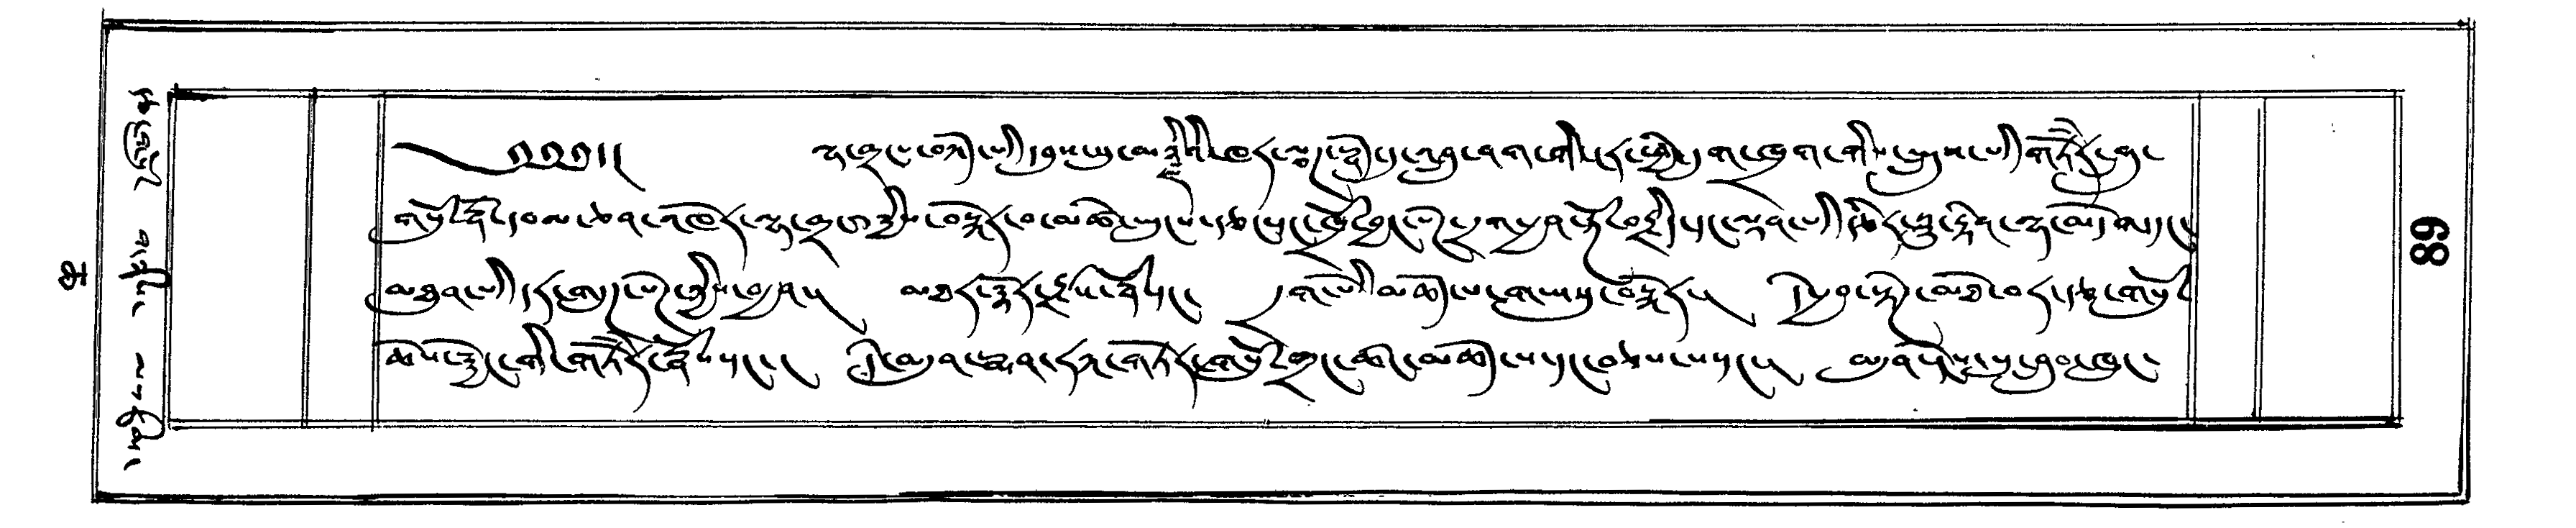ལྷ་གྲངས་བཀོད་པའི་དབུས་སུ་མཉྫིའི་ཁར་ལྕགས་སྣོད་དུ་འབྲུ་ནག་གི་ངར་ཕྱེ་དུག་ཁྲག་གིས་སྦྲུས་པའི་གཏོར་མ་གྲུ་
གསུམ་རྣོ་དབལ་ཅན་འཁོར་ལྷ་གྲངས་ཀྱིས་བསྐོར་བ་མཚེ་ཡུངས་རྩང་དང་ཁྲམ་བྱང་སོགས་དྲག་རྒྱན་རྔམ་བརྗིད་དང་ལྡན་པའི་རྩེར་སྐུ་རྟེན་ལྷ་མདོག་དང་
མཐུན་པའི་དར་གདུགས་སོགས་ཀྱིས་བརྒྱན། མཐར་ཟོར་རྫས་རྣམས་དང་། དྲག་པོའི་མཆོད་པ་གཡས་སུ་བསྐོར། དེ་རྒྱབ་སྟེགས་མཐོ་བར་རྩ་གསུམ་
ཆོས་སྐྱོང་གི་གཏོར་མ་རྣམས་དང་། དེ་མདུན་སྨན་རཀ་གཏོར་གསུམ་གྲངས་ཚང་མཆོད་པ་དང་བཅས་པ་དང་། མདུན་ངོས་སུ་བྲུབ་ཁུང་